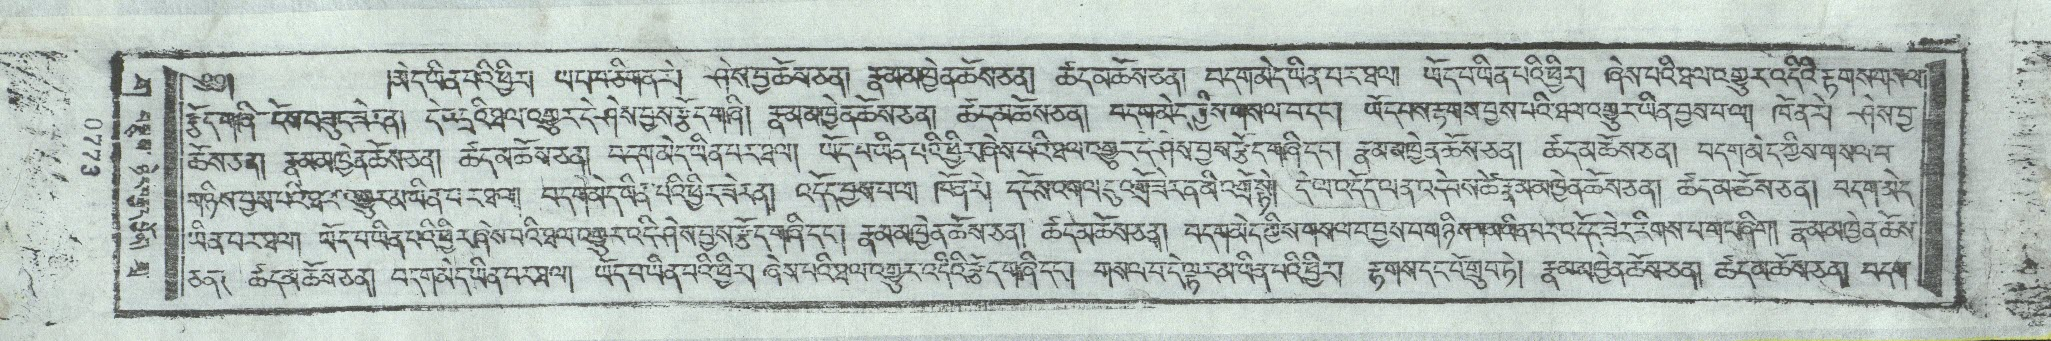༄༅། །མེད་ཡིན་པའི་ཕྱིར། ཡང་ཁ་ཅིག་ན་རེ། ཤེས་བྱ་ཆོས་ཅན། རྣམ་མཁྱེན་ཆོས་ཅན། ཚད་མཆོས་ཅན། བདག་མེད་ཡིན་པར་ཐལ། ཡོད་པ་ཡིན་པའི་ཕྱིར། ཞེས་པའི་ཐལ་འགྱུར་འདིའི་རྟགས་གསལ་
རྩོད་གཞི་ངོས་བཟུང་ཟེར་ན། དེ་འདྲའི་ཐལ་འགྱུར་དེ་ཤེས་བྱས་རྩོད་གཞི། རྣམ་མཁྱེན་ཆོས་ཅན། ཚད་མ་ཆོས་ཅན། བདག་མེད་ཀྱིས་གསལ་བ་དང་། ཡོད་བས་རྟགས་བྱས་པའི་ཐལ་འགྱུར་ཡིན་བྱས་པ་ལ། ཁོ་ན་རེ། ཤེས་བྱ་
ཆོས་ཅན། རྣམ་མཁྱེན་ཆོས་ཅན། ཚད་མཆོས་ཅན། བདག་མེད་ཡིན་པར་ཐལ། ཡོད་པ་ཡིན་པའི་ཕྱིར་ཞེས་པའི་ཐལ་འགྱུར་དེ་ཤེས་བྱས་རྩོད་གཞི་དང་། རྣམ་མཁྱེན་ཆོས་ཅན། ཚད་མཆོས་ཅན། བདག་མེད་ཀྱིས་གསལ་བ་
གཉིས་བྱས་པའི་ཐལ་འགྱུར་མ་ཡིན་པར་ཐལ། བདག་མེད་ཡིན་པའི་ཕྱིར་ཟེར་ན། འདོད་བྱས་པ་ལ། ཁོ་ན་རེ། དངོས་འགལ་དུ་འགྲོ་ཟེར་ན་མི་འགྲོ་སྟེ། དེ་ལ་འདོད་ལན་འདེབས་ཚེ་རྣམ་མཁྱེན་ཆོས་ཅན། ཚད་མཆོས་ཅན། བདག་མེད་
ཡིན་པར་ཐལ། ཡོད་པ་ཡིན་པའི་ཕྱིར་ཞེས་པའི་ཐལ་འགྱུར་འདི་ཤེས་བྱས་རྩོད་གཞི་དང་། རྣམ་མཁྱེན་ཆོས་ཅན། ཚད་མཆོས་ཅན། བདག་མེད་ཀྱིས་གསལ་བ་བྱས་པ་གཉིས་ཀ་མ་ཡིན་པར་འདོད་ཟེར་རིགས་པ་གང་ཞིག། རྣམ་མཁྱེན་ཆོས་
ཅན༑ ཚད་མཆོས་ཅན། བདག་མེད་ཡིན་པར་ཐལ། ཡོད་པ་ཡིན་པའི་ཕྱིར། ཞེས་པའི་ཐལ་འགྱུར་འདིའི་རྩོད་གཞི་དང་། གསལ་བ་དེ་ལྟར་མ་ཡིན་པའི་ཕྱིར། རྟགས་དང་པོ་གྲུབ་ཏེ། རྣམས་ཁྱེན་ཆོས་ཅན། ཚད་མ་ཆོས་ཅན། བདག་